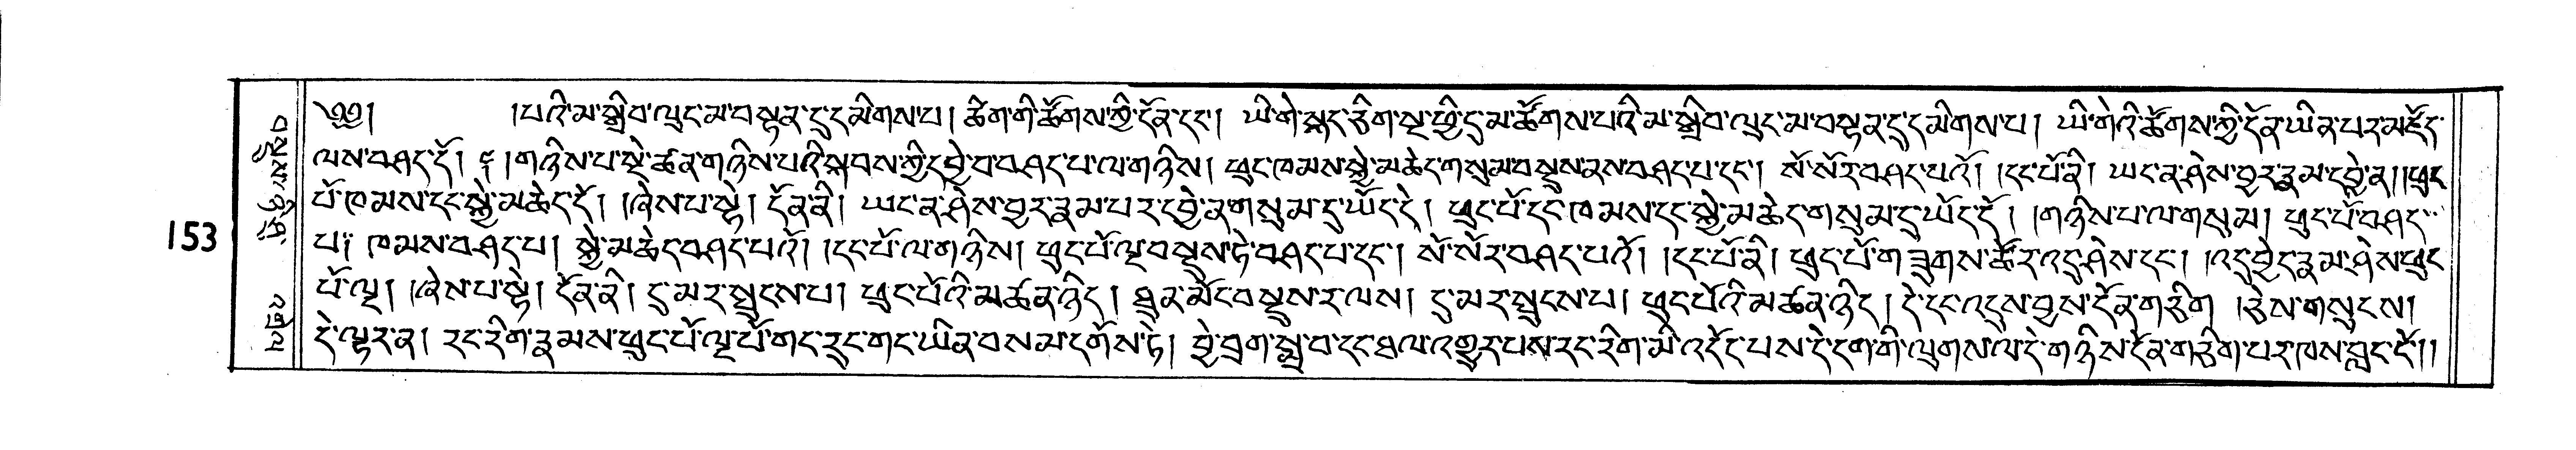༄༅། །པའི་མ་སྒྲིབ་ལུང་མ་བསྟན་དུ་དམིགས་པ། ཚིག་གི་ཚོགས་ཀྱི་དོན་དང་། ཡི་གེ་སྐད་ཅིག་སྔ་ཕྱི་དུ་མ་ཚོགས་པའི་མ་སྒྲིབ་ལུང་མ་བསྟན་དུ་དམིགས་པ། ཡི་གེའི་ཚོགས་ཀྱི་དོན་ཡིན་པར་མཛོད་
ལས་བཤད་དོ། ༈ །གཉིས་པ་སྡེ་ཚན་གཉིས་པའི་སྐབས་ཀྱི་དབྱེ་བ་བཤད་པ་ལ་གཉིས། ཕུང་ཁམས་སྐྱེ་མཆེད་གསུམ་བསྡུས་ནས་བཤད་པ་དང་། སོ་སོར་བཤད་པའོ། །དང་པོ་ནི། ཡང་ན་ཤེས་བྱར་རྣམ་དབྱེ་ན། །ཕུང་
པོ་ཁམས་དང་སྐྱེ་མཆེད་དོ། །ཞེས་པ་སྟེ། དོན་ནི། ཡང་ན་ཤེས་བྱར་རྣམ་པར་དབྱེ་ན་གསུམ་དུ་ཡོད་དེ། ཕུང་པོ་དང་ཁམས་དང་སྐྱེ་མཆེད་གསུམ་དུ་ཡོད་དོ། །གཉིས་པ་ལ་གསུམ། ཕུང་པོ་བཤད་
པ༑ ཁམས་བཤད་པ། སྐྱེ་མཆེད་བཤད་པའོ། །དང་པོ་ལ་གཉིས། ཕུང་པོ་ལྔ་བསྡུས་ཏེ་བཤད་པ་དང་། སོ་སོར་བཤད་པའོ། །དང་པོ་ནི། ཕུང་པོ་གཟུགས་ཚོར་འདུ་ཤེས་དང་། །འདུ་བྱེད་རྣམ་ཤེས་ཕུང་
པོ་ལྔ། །ཞེས་པ་སྟེ། དོན་ནི། དུ་མར་སྤུངས་པ། ཕུང་པོའི་མཚན་ཉིད། ཐུན་མོང་བསྡུས་ར་ལས། དུ་མར་སྤུངས་པ། ཕུང་པོའི་མཚན་ཉིད། དེ་དང་འདུས་བྱས་དོན་གཅིག །ཅེས་གསུངས།
དེ་ལྟར་ན། རང་རིག་རྣམས་ཕུང་པོ་ལྔ་པོ་གང་རུང་གང་ཡིན་བསམ་དགོས་ཏེ། བྱེ་བྲག་སྨྲ་བ་དང་ཐལ་འགྱུར་པས་རང་རིག་མི་འདོད་པས་དེ་དག་གི་ལུགས་ལ་དེ་གཉིས་དོན་གཅིག་པར་ཁས་བླང་ངོ།།